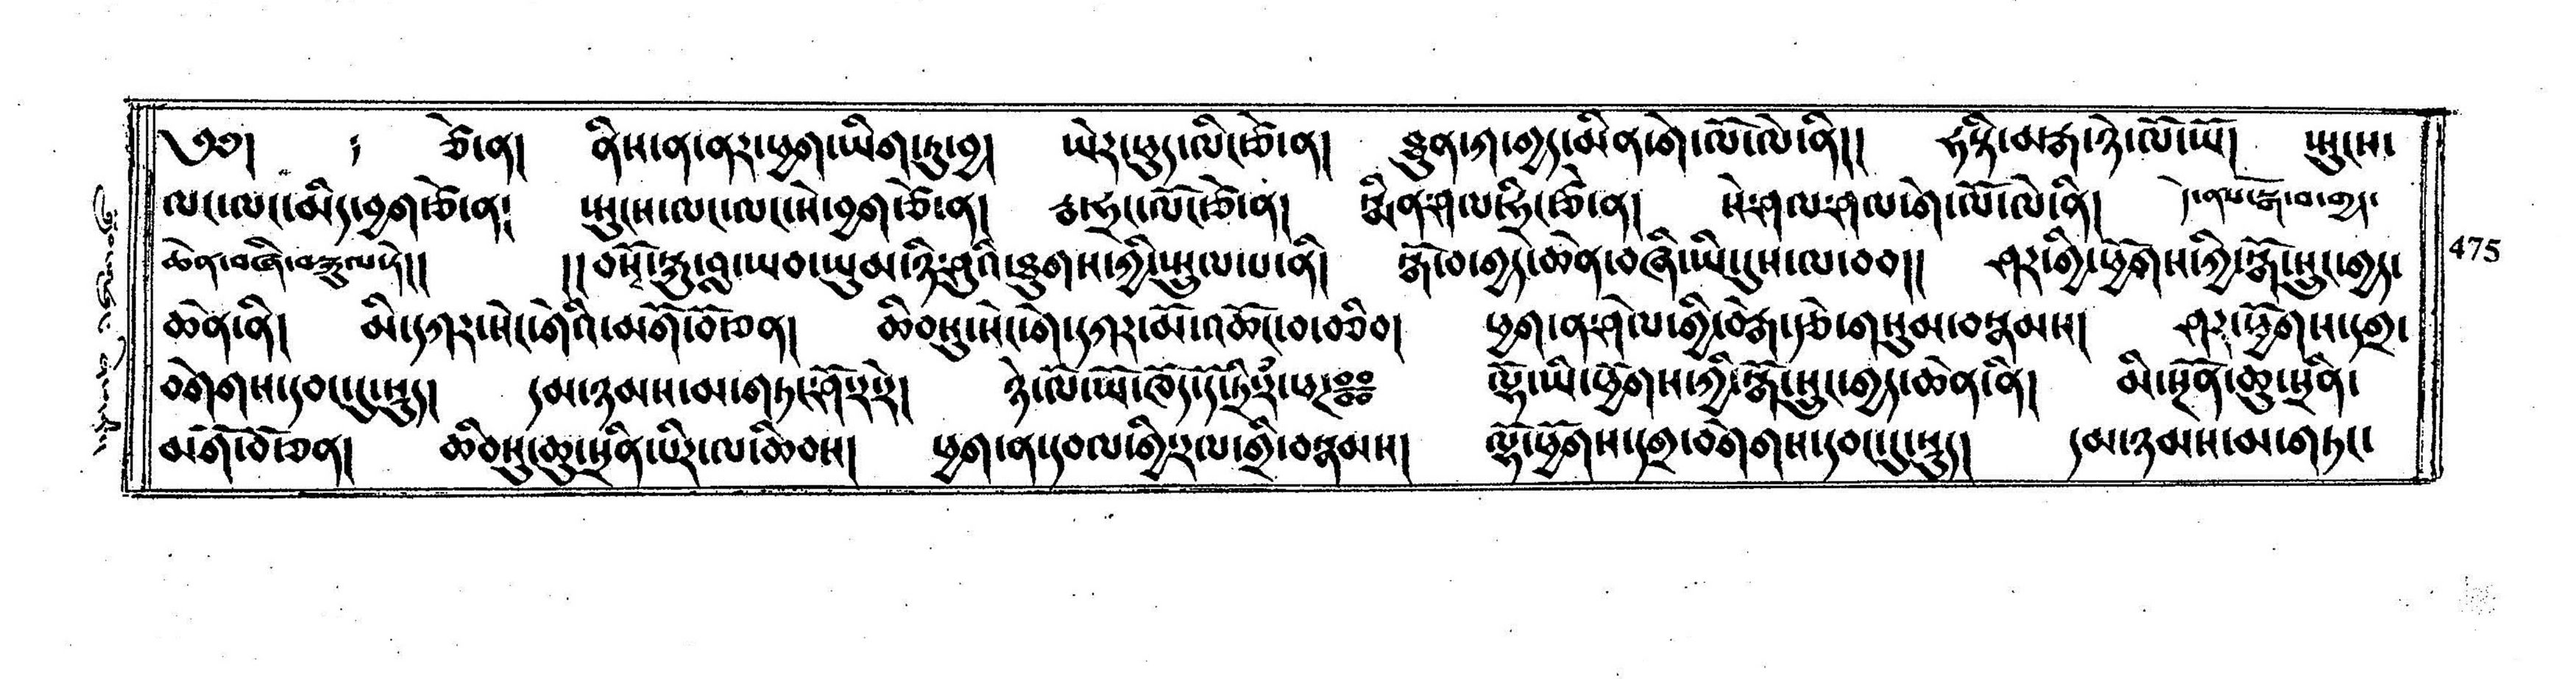ཙེ་ན། ནིས་ན་ནར་ཕྱག་ཡིག་ཏུ་བྱ། ཡེར་ཕུད་ལིང་ཙེ་ན། ཐུན་ཀ་གྱད་མིན་གེ་ལོ་ལེ་ནི།། ཧསྟི་མརྒ་ཉེ་ལོ་ཡོ། སྤུངས་ལང་ལང་མིད་བྱག་ཙེ་ན། སྤུངས་
ལང་ལང་སེ་བྱག་ཙེ་ན། རྦ་ཧྲང་ལོང་ཙེ་ན། སྨིན་ཤལ་ཧྲིང་ཙེ་ན། སེ་ཤལ་ཤལ་གེ་ལོ་ལེ་ནི། དེ་ནས་{488}སྒོ་བ་གྱད་
ཆེན་བཞི་བསྐུལ་ཏེ།། །།བསྭོ་སྐུ་བླ་ཡབ་ཡུམ་ཉི་ཤུའི་ཐུགས་ཀྱི་སྤྲུལ་པ་ནི། སྒོ་བ་གྱད་ཆེན་བཞི་ཡི་དུས་ལ་བབ།། ཤར་གྱི་ཕྱོགས་ཀྱི་སྒོ་སྲུང་གྱད་
ཆེན་ནི། མི་དཀར་སེང་གེའི་མགོ་བོ་ཅན། ཆིབས་སུ་སེང་གེ་དཀར་མོ་འཆོང་བ་བཅིབ། ཕྱག་ན་ཤེལ་གྱི་བེརྒ་རྩེ་གསུམ་བསྣམས། ཤར་ཕྱོགས་དགྲ་
བགེགས་དབང་དུ་སྡུད། དམ་ཉམས་མ་གཏང་ཤོ་ར་རེ། ཉེ་ལོ་ཡོ་ཁོད་དོ་ཏྲི་རཾ་ཕཊ༔༔ ལྷོ་ཡི་ཕྱོགས་ཀྱི་སྒོ་སྲུང་གྱད་ཆེན་ནི། མི་སྔོན་ཆུ་སྲིན་
མགོ་བོ་ཅན། ཆིབས་སུ་ཆུ་སྲིན་པིར་ལ་ཆིབས། ཕྱག་ན་དབལ་གྱི་རལ་གྲི་བསྣམས། ལྷོ་ཕྱོགས་དགྲ་བགེགས་དབང་དུ་སྡུད། དམ་ཉམས་མ་གཏང་